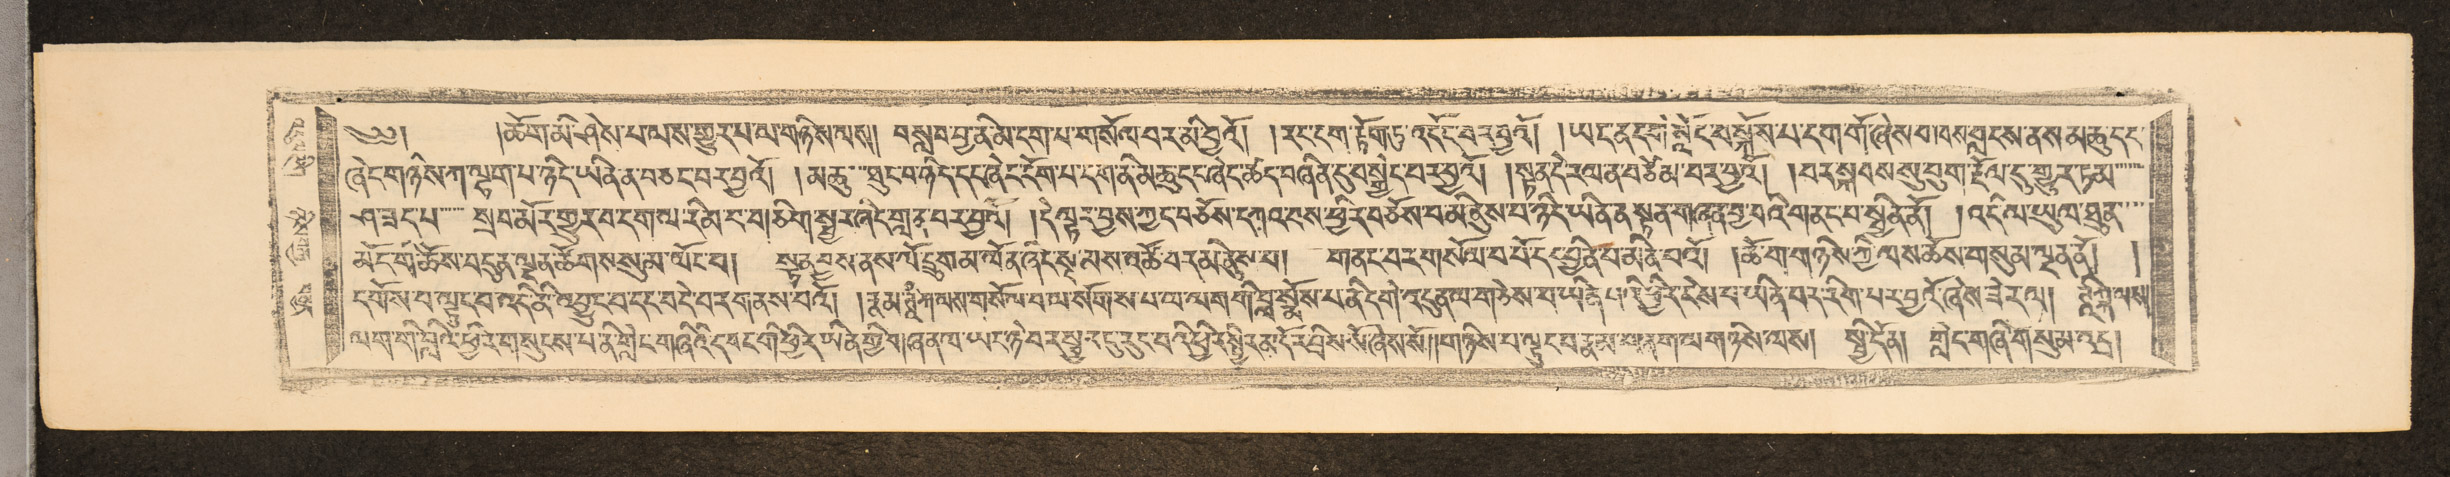༄༅། །ཆོག་མི་ཤེས་པ་ལས་གྱུར་པ་ལ་གཉིས་ལས། བསླབ་བྱ་ནི་མ་དག་པ་གསོལ་བར་མི་བྱའོ། །རང་དག་རྟོག་ཏུ་འདོང་བར་བྱའོ། །ཡང་ན་དགེ་སློང་བསྐོས་པ་དག་གོ་ཞེས་པ་ཁས་བླངས་ནས་མཆུ་དང་
ཞེང་གཉིས་ཀ་ལྷག་པ་ཉིད་ཡིན་ན་བཅང་པར་བྱའོ། །མཆུ་ཐུང་བ་ཉིད་དང་ཞེང་དོག་པ་དག་ནི་མཆུ་དང་ཞེང་ཚད་བཞིན་དུ་བསྐྱེད་པར་བྱའོ། །སྟན་དེ་རལ་ན་བཅོམ་པར་བྱའོ། །བར་སྐབས་སུ་བུ་ག་རྡོལ་དུ་གྱུར་ཏམ་
ཤ་ཟད་པ་སྲབ་མོར་གྱུར་པ་དག་ལ་རིམ་པ་གཅིག་སྦྱར་ཞིང་གླན་པར་བྱའོ། །དེ་ལྟར་བྱས་ཀྱང་བཅོས་དཀའ་བས་ཕྱིར་བཅོས་པ་མི་ནུས་པ་ཉིད་ཡིན་ན་སྟན་གཞན་བྱ་བའི་གནང་བ་སྦྱིན་ནོ། །འདི་ལ་ཡུལ་ཐུན་
མོང་གི་ཆོས་བདུན་ལྡན་ཚོགས་སུ་མ་ལོང་པ། སྟན་བྱས་ནས་ལོ་དྲུག་མ་ལོན་ཞིང་སྔ་མས་འཚོ་བར་མི་ནུས་པ། གནང་བར་གསོལ་བ་པོ་དང་བྱིན་པ་མིན་པའོ། །ཆོ་ག་གཉིས་ཀྱི་ལས་ཆོས་གསུམ་ལྡན་ནོ། །
དགོས་པ་ལྟུང་བ་འདི་མི་འབྱུང་བ་དང་བདེ་བར་གནས་པའོ། །རྣམ་ཊཱིཀྐ་ལས་གསོལ་བ་ལ་སོགས་པ་ལ་ལག་གི་བླ་སྨོས་པ་ནི་དགེ་འདུན་ལ་གཅེས་པ་ཡིན་པའི་ཕྱིར་ངེས་པ་ཡིན་པར་རིག་པར་བྱའོ་ཞེས་ཟེར་ལ། ཊཱིཀྐ་ལས།
ལག་གི་བླའི་ཕྱིར་གསུངས་པ་ནི་གླེང་གཞིའི་དབང་གི་ཕྱིར་ཡིན་གྱི་གཞན་ལ་ཡང་ཉེ་བར་སྦྱར་དུ་རུང་བའི་ཕྱིར་སྤྱིར་མངོར་བྲིས་སོ་ཞེས་སོ། །གཉིས་པ་ལྟུང་བ་རྣམ་བཞག་ལ་གཉིས་ལས། སྤྱི་དོན། གླེང་གཞི་གསུམ་འདྲ།